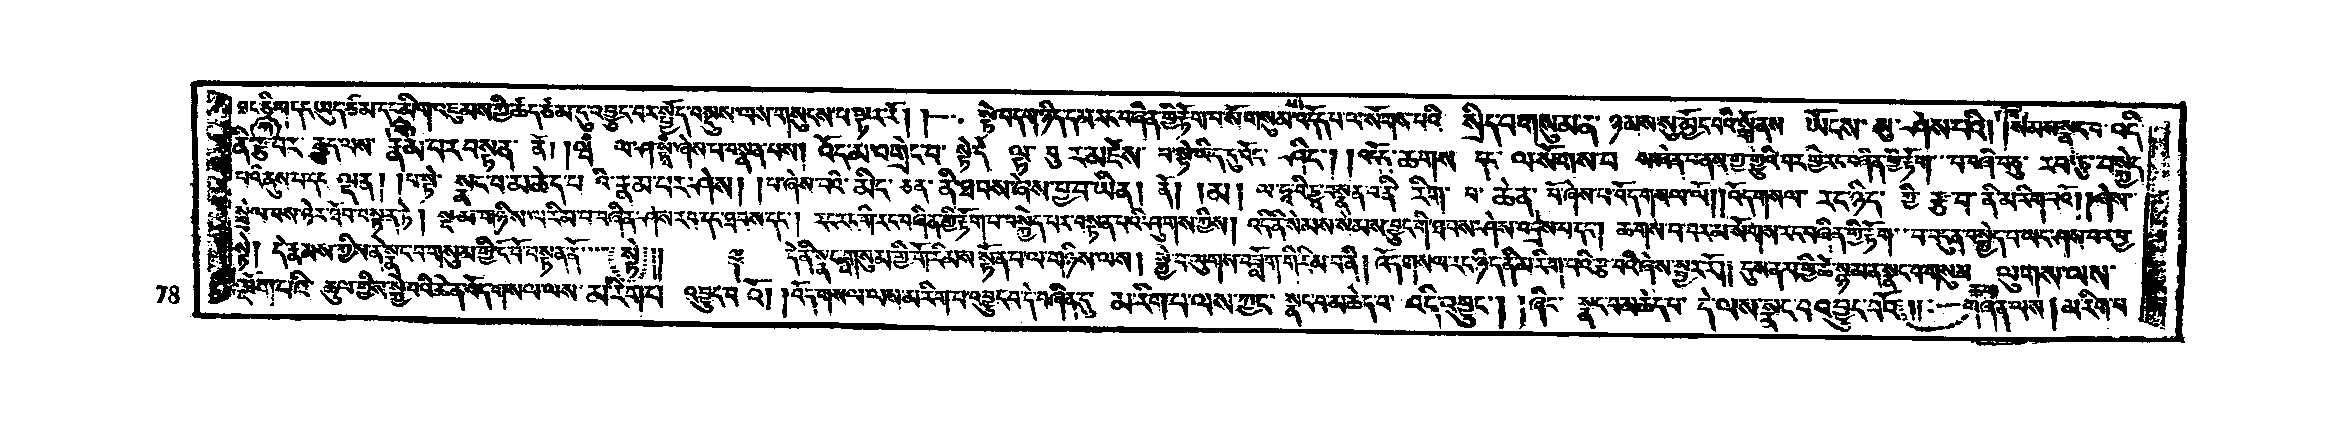ཐང་ཅིག་དང་ཡུད་ཅེ་མ་དང་མིག་འཇུམས་གྱི་ཚད་ཟམ་དུ་འབྱུང་བར་སྤྱོད་བསྡུས་ལས་གསུངས་པ་ལྟར་རོ། །.Hསྟེ་བདག་ཉིད་དམ་རང་བཞིན་གྱི་རྟོག་པ་སོ་གསུམ་འདོད་པ་ལ་སོགས་པའི་སྲིད་པ་གསུམ་ན་ཉམས་སུ་མྱོང་བའི་སྒོ་ནས་ཡོངས་སུ་ཤེས་པའི། །སེམས་སྣང་བ་འདི་
ནི་རྩ་བར་གྱུད་ལས་རྣམ་པར་བསྟན་ནོ། །ཝ་ལ་ཤ་སྟྭོ་ཞེས་པ་བསྣན་པས། འོད་མ་འགྲེང་བ་སྟེ་དེ་ལྟ་བུར་མཛེས་པ་སྟེ་ཡིད་དུ་འོང་ཤིང་། །འདོད་ཆགས་དང་ལ་སོགས་པ་ས་ཞེན་པ་ནས་གྱི་གྱུའི་བར་གྱི་རང་བཞིན་གྱི་རྟོག་པ་བཞི་བཅུ་རང་ཏུ་བསྐྱེད་
པའི་ནུས་པ་དང་ལྡན། །པ་སྟེ་སྣང་བ་མཆེད་པའི་རྣམ་པར་ཤེས། །པ་ཞེས་པའི་མེད་ཅན་ནི་ཐས་ཞེས་བྱ་བ་ཡིན། ནོ། མ། ལ་ཧཱ་བི་ཏཡས་ནན་པ་ནི་རིག་པ་ཆེན་པོ་ཞེས་པ་འོད་གསལ་ལོ།།འོད་གསལ་རང་ཉིད་ཀྱི་རྩ་བ་ནི་མ་གི་པའོ། །ཞེས་
སྤྲེལ་བས་ཉེར་ཐོས་བསྟན་ཏེ། ལྔ་མ་གཉིས་ལ་རིམ་པ་བཞིན་ཤེས་རབ་དང་ཐབས་དང་། རང་རང་གི་རང་བཞིན་གྱི་རྟོག་པ་བསྐྱོད་པར་བསན་པའི་ཤུགས་ཡིས། འདི་ནི་སེམས་སེམས་བྱུང་གི་ཐབས་ཤེས་འདྲེས་པ་དང་། ཆགས་པ་བར་མ་སོགས་རང་བཞིན་གྱི་རྟོག་པ་བདུན་བསྐྱེད་པ་ཡང་ཤས་པར་ཡ་
སྟེ། དེ་རྣམས་ཀྱིས་ནི་སྣང་བ་གསུམ་གྱི་ངོ་བོ་བསན་ནོ་སྟེ།། ༈ ད་ནི་སྣང་གསུམ་གྱི་གོ་རིམས་སྟོན་པ་ལ་གཉིས་ལས། སྐྱེ་བ་ལུགས་བཟློག་གི་རིམ་པ་ནི།འོད་གསལ་རང་ཉིད་ནི་མ་གི་པའི་རྩ་བའི་ཞེས་སྦྱར་རོ། །དུས་ནམ་གྱི་ཚེ་སྙམ་ན་སྣང་བ་གསུམ་ལུགས་ལས་
ལྡོག་པའི་ཚུལ་གྱིས་སྐྱེ་བའི་ཆེན་འོད་གསལ་ལས་མ་རིག་པ་འབྱུང་བའི། །འོད་གསལ་ལས་མ་རིག་པ་འབྱུང་བ་དེ་བཞིན་དུ་མ་རིག་པ་ལས་ཀྱང་སྣང་བ་མཆེད་པའི་འབྱུང་། །ཞིང་སྣང་བ་མ་ཆེད་པ་དེ་ལས་སྣང་བ་འབྱུང་བའོ།།H.གཞེན་ལས། ?་པ་